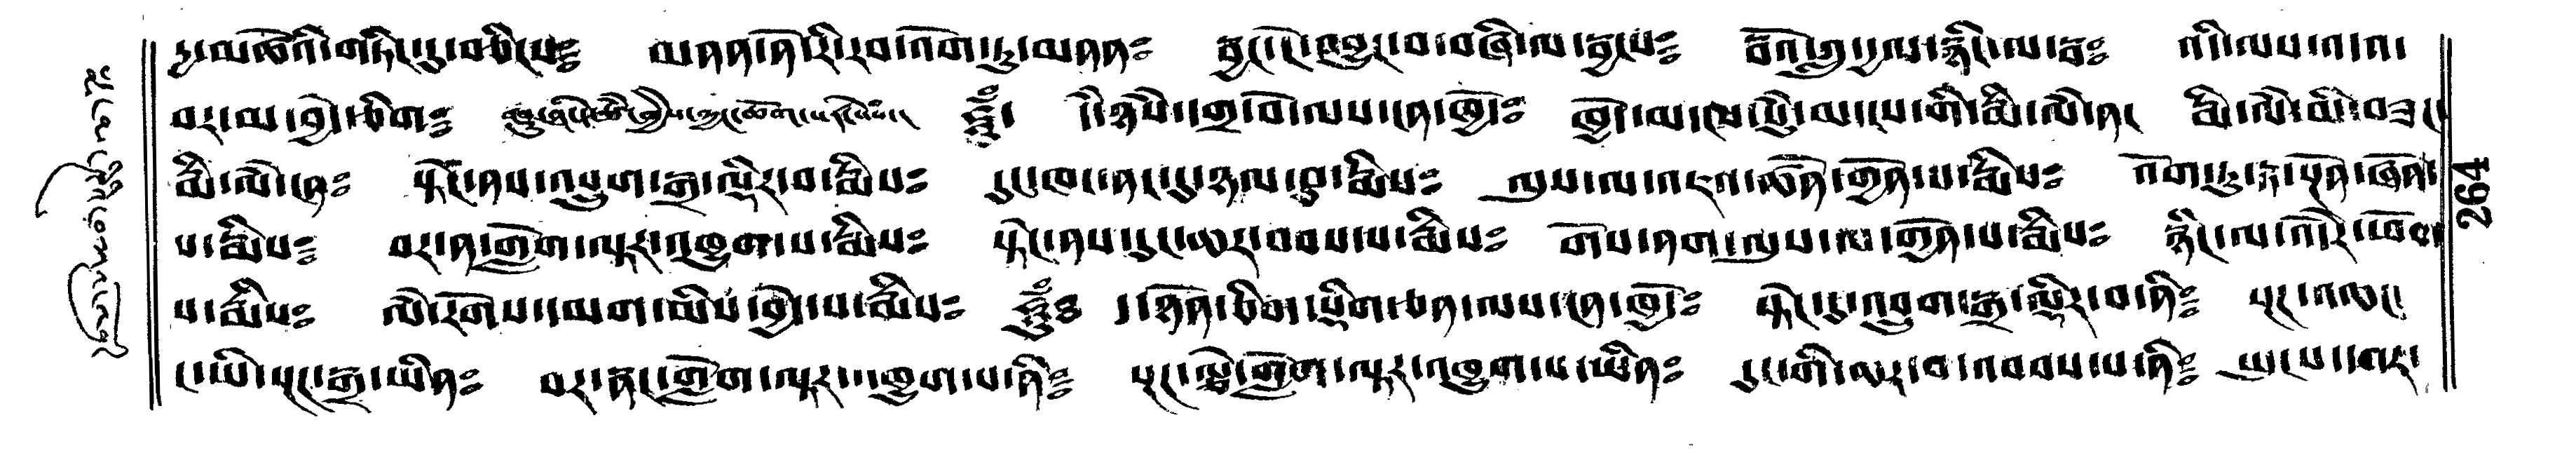རྒྱ་མཚོའི་གཏིང་དུ་བཅིངས༔ མནན་ནོ་རི་རབ་འོག་ཏུ་མནནཿ སྦྱངས་སོ་འབྱུང་བ་བཞི་ལ་སྦྱངསཿསྦས་སཽ་ཀླུ་རྒྱལ་སྙིང་ལ་སྦསཿ འདི་ལས་འདའ་
བར་མ་བྱེད་ཅིགཿ བསྡུ་ན་དེ་ཙམ་གྱིས་ཀྱང་ཆོག་པར་སེམས ། ཧཱུྃཿ དམ་ཉམས་དགྲ་བོ་ལས་ངན་ཁྱོདཿ ཁྱོད་མདང་སུམ་མདང་གི་རྨི་ལམ་ནཿ རྨི་ལམ་མི་བཟང་
རྨི་ལམ་ངནཿ སྟེང་ནས་འབྲུག་སྒྲ་ལྡིར་བ་རྨིསཿ དུང་ཁང་ནང་དུ་ཉལ་བ་རྨིསཿ ལུས་ལ་འཇའ་ཚོན་གྱོན་པ་རྨིསཿ འོག་ཏུ་རྟ་སྔོན་བཞོན་
པ་རྨིསཿ བར་ན་གློག་ལྟར་འཁྱུགས་པ་རྨིསཿ སྟེང་ནས་དུང་ཆར་བབས་པ་རྨིསཿ གོས་ནག་ལུས་ལ་གྱོན་པ་རྨིསཿ སྙིང་ལ་འོད་ཟེར་ཕོག་
པ་རྨིསཿ ལམ་རོགས་དམག་མིས་བྱེད་པ་རྨིསཿ ཧཱུྃཿ ད་ཉོན་ཅིག་སྡིག་ཅན་ལས་ངན་ཁྱོདཿ སྟེང་དུ་འབྲུག་སྒྲ་ལྡིར་བ་ནི༔ སྔགས་འཆང་
ང་ཡི་སྔགས་སྒྲ་ཡིནཿ བར་སྣང་གློག་ལྟར་འཁྱུག་པ་ནི༔ སྔགས་ལྕེ་གློག་ལྟར་འཁྱུག་པ་ཡིནཿ དུང་གི་ཆར་བ་འབབ་པ་ནི༔ ཡུངས་དཀར